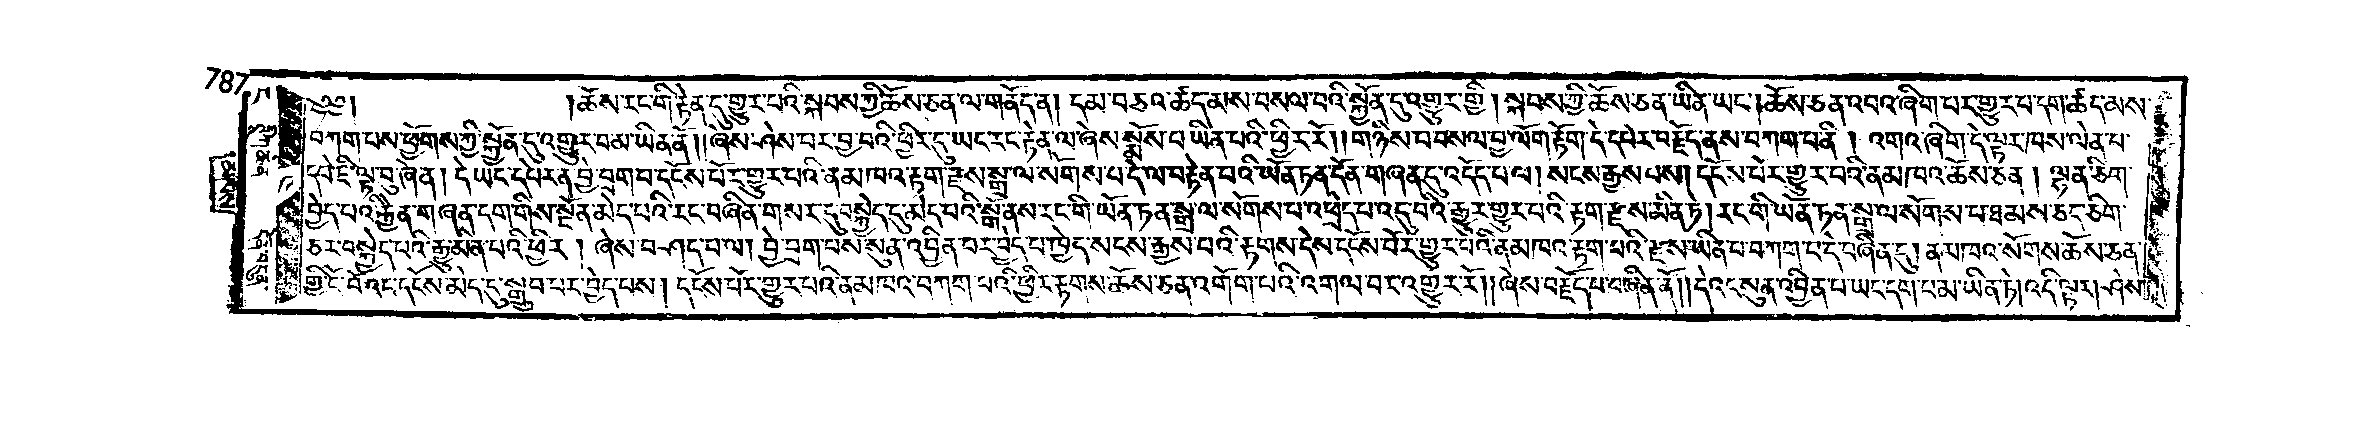༄༅། །ཆོས་རང་གི་རྟེན་དུ་གྱུར་བའི་སྐབས་ཀྱི་ཆོས་ཅན་ལ་གནོད་ན། དམ་བཅའ་ཚད་མས་བསལ་བའི་སྐྱོན་དུ་འགྱུར་གྱི། སྐབས་ཀྱི་ཆོས་ཅན་ཡིན་ཡང་། ཆོས་ཅན་འབའ་ཞིག་པར་གྱུར་བ་དག་ཚད་མས་
བཀག་པས་ཕྱོགས་ཀྱི་སྐྱོན་དུ་འགྱུར་བ་མ་ཡིན་ནོ། །ཞེས་ཤེས་པར་བྱ་བའི་ཕྱིར་དུ་ཡང་རང་རྟེན་ལ་ཞེས་སྨོས་པ་ཡིན་པའི་ཕྱིར་རོ། །གཉིས་པ་བསལ་བྱ་ལོག་རྟོག་དེ་དཔེར་བརྗོད་ནས་བཀག་པ་ནི། འགའ་ཞིག་དེ་ལྟར་ཁས་ལེན་པ་
དཔེ་ཇི་ལྟ་བུ་ཞེ་ན། དེ་ཡང་དཔེར་ན་བྱེ་བྲག་པ་དངོས་པོར་གྱུར་བའི་ནམ་མཁའ་རྟག་རྫས་སྒྲ་ལ་སོགས་པ་དེ་ལ་བརྟེན་པའི་ཡོན་ཏན་དོན་གཞན་དུ་འདོད་པ་ལ། སངས་རྒྱས་པས། དངོས་པོར་གྱུར་བའི་ནམ་མཁའ་ཆོས་ཅན། ལྷན་ཅིག་
བྱེད་པའི་རྐྱེན་གཞན་དག་གིས་སྔོན་མེད་པའི་རང་བཞིན་གསར་དུ་བསྐྱེད་དུ་མེད་པའི་སྒོ་ནས་རང་གི་ཡོན་ཏན་སྒྲ་ལ་སོགས་པ་འཕྲེད་པ་འདུ་བའི་རྒྱུར་གྱུར་བའི་རྟག་རྫས་མིན་ཏེ། རང་གི་ཡོན་ཏན་སྒྲ་ལ་སོགས་པ་ཐམས་ཅད་ཅིག་
ཅར་བསྐྱེད་པའི་རྒྱུ་མིན་པའི་ཕྱིར། ཞེས་བཤད་པ་ལ། བྱེ་བྲག་པས་སུན་འབྱིན་པར་བྱེད་པ་ཁྱེད་སངས་རྒྱས་པའི་རྟགས་དེས་དངོས་པོར་གྱུར་བའི་ནམ་མཁའ་རྟག་པའི་རྫས་ཡིན་པ་བཀག་པ་དེ་བཞིན་དུ། ནམ་མཁའ་སོགས་ཆོས་ཅན་
གྱི་ངོ་བོའང་དངོས་མེད་དུ་སྒྲུབ་པར་བྱེད་པས། དངོས་པོར་གྱུར་བའི་ནམ་མཁའ་བཀག་པའི་ཕྱིར་རྟགས་ཆོས་ཅན་འགོག་པའི་འགལ་བར་འགྱུར་རོ། །ཞེས་བརྗོད་པ་བཞིན་ནོ། །དེའང་སུན་འབྱིན་པ་ཡང་དག་པ་མ་ཡིན་ཏེ། འདི་ལྟར། ཤེས་